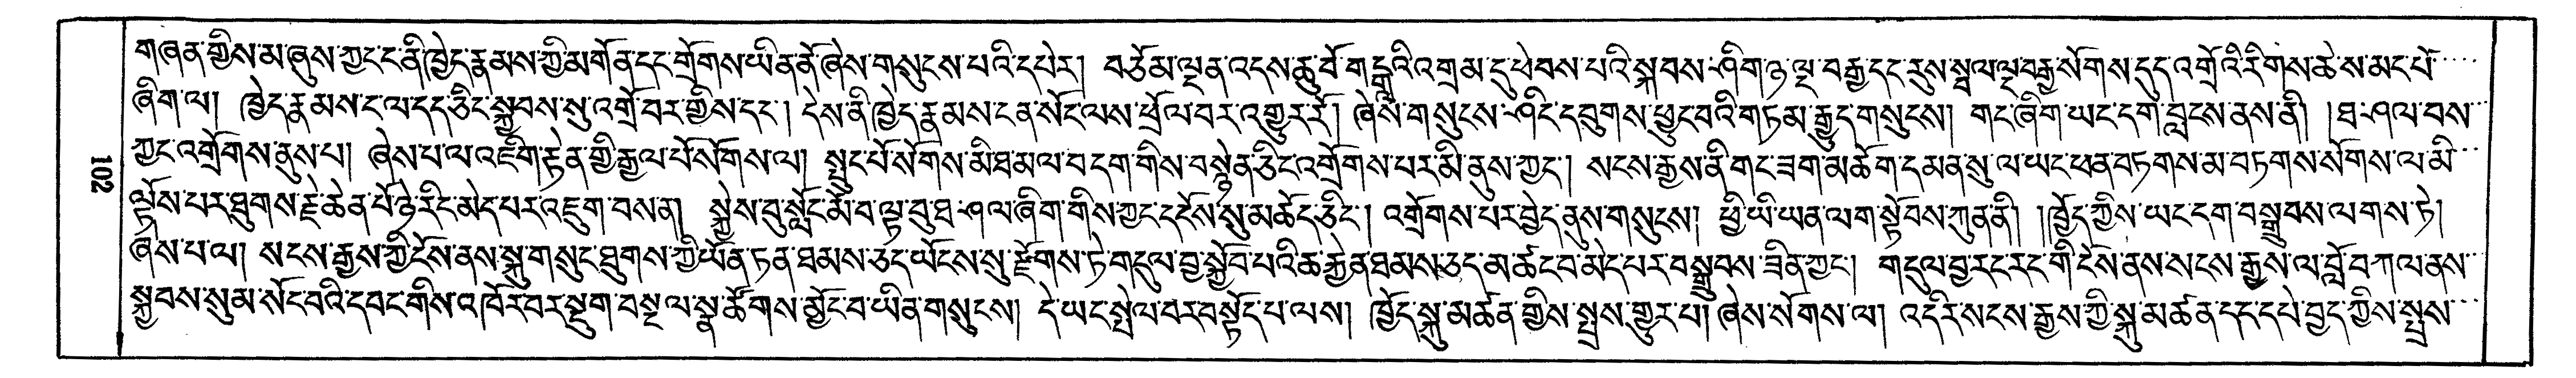གཞན་གྱིས་མ་ཞུས་ཀྱང་ང་ནི་ཁྱེད་རྣམས་ཀྱི་མགོན་དང་གྲོགས་ཡིན་ནོ་ཞེས་གསུངས་པའི་དཔེར། བཅོམ་ལྡན་འདས་ཆུ་བོ་གངྒའི་འགྲམ་དུ་ཕེབས་པའི་སྐབས་ཤིག་ཉ་ལྔ་བརྒྱ་དང་རུས་སྦལ་ལྔ་བརྒྱ་སོགས་དུད་འགྲོའི་རིགས་ཆེས་མང་པོ་
ཞིག་ལ། ཁྱེད་རྣམས་ང་ལ་དད་ཅིང་སྐྱབས་སུ་འགྲོ་བར་གྱིས་དང་། དེས་ནི་ཁྱེད་རྣམས་ངན་སོང་ལས་གྲོལ་བར་འགྱུར་རོ། ཞེས་གསུངས་ཤིང་དབུགས་ཕྱུང་བའི་གཏམ་རྒྱུད་གསུངས། གང་ཞིག་ཡང་དག་བླངས་ནས་ནི། །ཐ་ཤལ་བས་
ཀྱང་འགྲོགས་ནུས་པ། ཞེས་པ་ལ་འཇིག་རྟེན་གྱི་རྒྱལ་པོ་སོགས་ལ། སྤྲང་པོ་སོགས་མི་ཐ་མལ་པ་དག་གིས་བསྙེན་ཅིང་འགྲོགས་པར་མི་ནུས་ཀྱང་། སངས་རྒྱས་ནི་གང་ཟག་མཆོག་དམན་སུ་ལ་ཡང་ཕན་བཏགས་མ་བཏགས་སོགས་ལ་མི་
ལྟོས་པར་ཐུགས་རྗེ་ཆེན་པོ་ཉེ་རིང་མེད་པར་འཇུག་བས་ན། སྐྱེས་བུ་སློང་མོ་བ་ལྟ་བུ་ཐ་ཤལ་ཞིག་གིས་ཀྱང་དངོས་སུ་མཆོད་ཅིང་། འགྲོགས་པར་བྱེད་ནུས་གསུངས། ཕྱི་ཡི་ཡན་ལག་སྟོབས་ཀུན་ནི། །ཁྱོད་ཀྱིས་ཡང་དག་བསྒྲུབས་ལགས་ཏེ།
ཞེས་པ་ལ། སངས་རྒྱས་ཀྱི་ངོས་ནས་སྐུ་གསུང་ཐུགས་ཀྱི་ཡོན་ཏན་ཐམས་ཅད་ཡོངས་སུ་རྫོགས་ཏེ་གདུལ་བྱ་སྐྱོབ་པའི་ཆ་རྐྱེན་ཐམས་ཅད་མ་ཚང་བ་མེད་པར་བསྒྲུབས་ཟིན་ཀྱང་། གདུལ་བྱ་རང་རང་གི་ངོས་ནས་སངས་རྒྱས་ལ་བློ་བཀལ་ནས་
སྐྱབས་སུམ་སོང་བའི་དབང་གིས་འཁོར་བར་སྡུག་བསྔལ་སྣ་ཚོགས་མྱོང་བ་ཡིན་གསུངས། དེ་ཡང་སྤེལ་མར་བསྟོད་པ་ལས། ཁྱོད་སྐུ་མཚན་གྱིས་སྤྲས་གྱུར་པ། ཞེས་སོགས་ལ། འདིར་སངས་རྒྱས་ཀྱི་སྐུ་མཚན་དང་དཔེ་བྱད་ཀྱིས་སྤྲས་